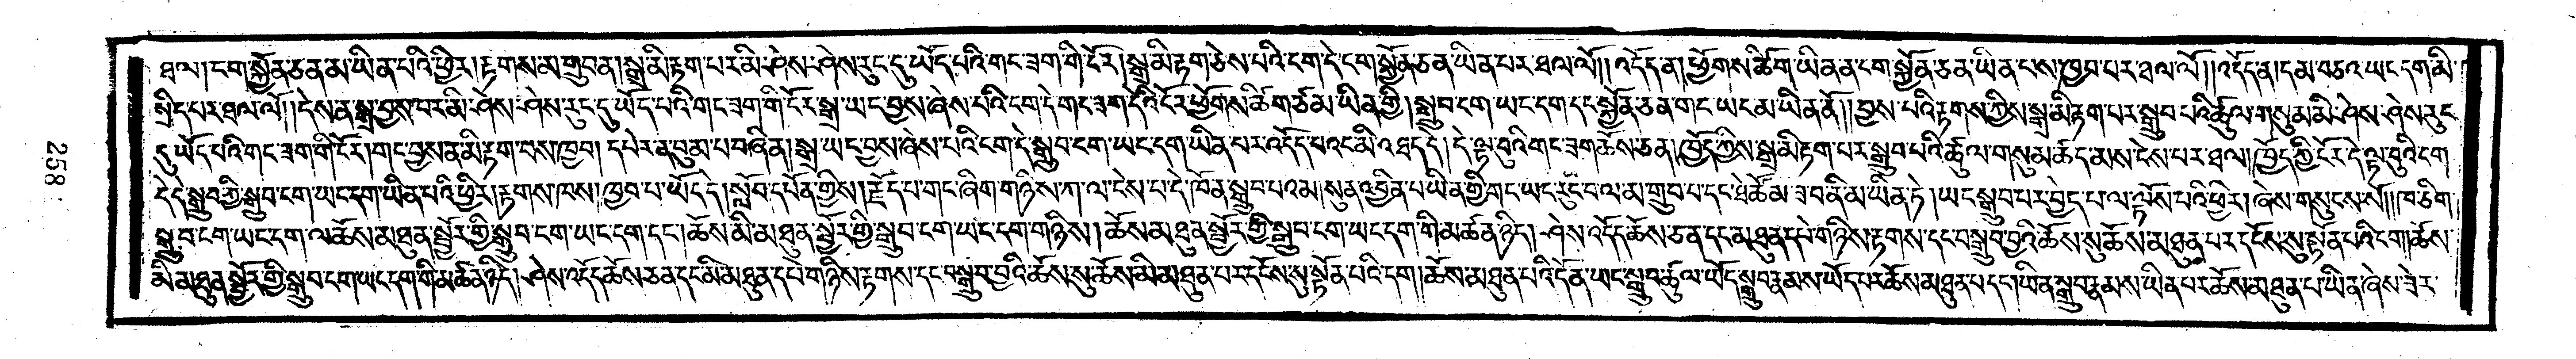ཐལ། ངག་སྐྱོན་ཅན་མ་ཡིན་པའི་ཕྱིར། རྟགས་མ་གྲུབ་ན། སྒྲ་མི་རྟག་པར་མི་ཤེས་ཤེས་རུང་དུ་ཡོད་པའི་གང་ཟག་གི་ངོར། སྒྲ་མི་རྟག་ཅེས་པའི་ངག་དེ་ངག་སྐྱོན་ཅན་ཡིན་པར་ཐལ་ལོ། །འདོད་ན། ཕྱོགས་ཚིག་ཡིན་ན་ངག་སྐྱོན་ཅན་ཡིན་པས་ཁྱབ་པར་ཐལ་ལོ། །འདོད་ན། དམ་བཅའ་ཡང་དག་མི་
སྲིད་པར་ཐལ་ལོ། །དེས་ན་སྒྲ་བྱས་པར་མི་ཤེས་ཤེས་རུང་དུ་ཡོད་པའི་གང་ཟག་གི་ངོར་སྒྲ་ཡང་བྱས་ཞེས་པའི་ངག་དེ་གང་ཟག་དེའི་ངོར་ཕྱོགས་ཚིག་ཙམ་ཡིན་གྱི། སྒྲུབ་ངག་ཡང་དག་དང་སྐྱོན་ཅན་གང་ཡང་མ་ཡིན་ནོ། །བྱས་པའི་རྟགས་ཀྱིས་སྒྲ་མི་རྟག་པར་སྒྲུབ་པའི་ཚུལ་གསུམ་མི་ཤེས་ཤེས་རུང་
དུ་ཡོད་པའི་གང་ཟག་གི་ངོར། གང་བྱས་ན་མི་རྟག་པས་ཁྱབ། དཔེར་ན་བུམ་པ་བཞིན། སྒྲ་ཡང་བྱས་ཞེས་པའི་ངག་དེ་སྒྲུབ་ངག་ཡང་དག་ཡིན་པར་འདོད་པའང་མི་འཐད་དེ། དེ་ལྟ་བུའི་གང་ཟག་ཆོས་ཅན། ཁྱོད་ཀྱིས་སྒྲ་མི་རྟག་པར་སྒྲུབ་པའི་ཚུལ་གསུམ་ཚད་མས་ངེས་པར་ཐལ། ཁྱོད་ཀྱི་ངོར་དེ་ལྟ་བུའི་ངག་
དེ་དེ་སྒྲུབ་ཀྱི་སྒྲུབ་ངག་ཡང་དག་ཡིན་པའི་ཕྱིར། རྟགས་ཁས། ཁྱབ་པ་ཡོད་དེ། སློབ་དཔོན་གྱིས། རྗོད་པ་གང་ཞིག་གཉིས་ཀ་ལ་ངེས་པ་དེ་ཁོ་ན་སྒྲུབ་པའམ། སུན་འབྱིན་པ་ཡིན་གྱི་གང་ཡང་རུང་བ་ལ་མ་གྲུབ་པ་དང་ཐེ་ཚོམ་ཟ་བ་ནི་མ་ཡིན་ཏེ། ཡང་སྒྲུབ་པར་བྱེད་པ་ལ་ལྟོས་པའི་ཕྱིར། ཞེས་གསུངས་སོ། །ཁ་ཅིག །
སྒྲུབ་ངག་ཡང་དག་ལ་ཆོས་མཐུན་སྦྱོར་གྱི་སྒྲུབ་ངག་ཡང་དག་དང་། ཆོས་མི་མཐུན་སྦྱོར་གྱི་སྒྲུབ་ངག་ཡང་དག་གཉིས། ཆོས་མཐུན་སྦྱོར་གྱི་སྒྲུབ་ངག་ཡང་དག་གི་མཚན་ཉིད། ཤེས་འདོད་ཆོས་ཅན་དང་མཐུན་དཔེ་གཉིས་རྟགས་དང་བསྒྲུབ་བྱའི་ཆོས་སུ་ཆོས་མཐུན་པར་དངོས་སུ་སྟོན་པའི་ངག །ཆོས་
མི་མཐུན་སྦྱོར་གྱི་སྒྲུབ་ངག་ཡང་དག་གི་མཚན་ཉིད། ཤེས་འདོད་ཆོས་ཅན་དང་མི་མཐུན་དཔེ་གཉིས་རྟགས་དང་བསྒྲུབ་བྱའི་ཆོས་སུ་ཆོས་མི་མཐུན་པར་དངོས་སུ་སྟོན་པའི་ངག །ཆོས་མཐུན་པའི་དོན་ཡང་སྒྲུབ་ཚུལ་ཡོད་སྒྲུབ་རྣམས་ཡོད་པར་ཆོས་མཐུན་པ་དག་ཡིན་སྒྲུབ་རྣམས་ཡིན་པར་ཆོས་མཐུན་པ་ཡིན་ཞེས་ཟེར་